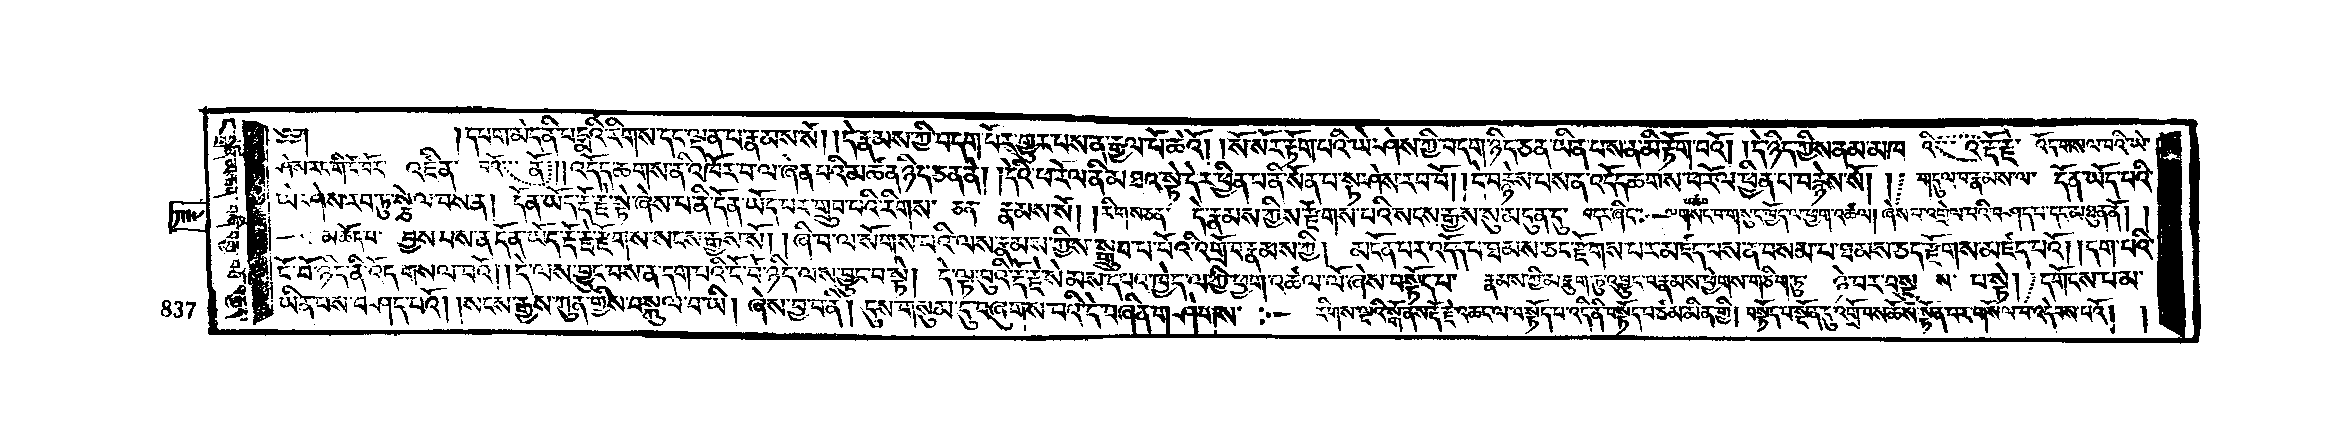༄༅། །དཔག་མེད་ནི་པདམའི་རིགས་དང་ལྡན་པ་རྣམས་སོ། །དེ་རྣམས་ཀྱི་བདག་པོར་གྱུར་པས་ན་རྒྱལ་པོ་ཆེའོ། །སོ་སོར་རྟོག་པའི་ཡེ་ཤེས་ཀྱི་བདག་ཉིད་ཅན་ཡིན་པས་ན་མི་རྟོག་པའོ། །དེ་ཉིད་ཀྱིས་ནམ་མཁའིའ་རྡོ་རྗེ་འོད་གསལ་བའི་ཡེ་
ཤེས་རང་གི་ངོ་བོར་འཛིན་བའོ་ནོ། །འདོད་ཆགས་ནི་འཁོར་བ་ལ་ཞེན་པའི་མཚན་ཉིད་ཅན་ནེ། །དེའི་ཕ་རོལ་ནི་མཐའ་སྟེ་དེར་ཕྱིན་པ་ནི་སོན་པ་སྟ་ཤེས་རབ་བོ། །དེ་བརྙེས་པས་ན་འདོད་ཆགས་ཕ་རོལ་ཕྱིན་པ་བརྙེས་སོ། ། གདུལ་བྱ་རྣམས་ལ་དོན་ཡོད་པའི་
ཡེ་ཤེས་རབ་ཏུ་སྩེལ་བས་ན། དོན་ཡོད་རྡོ་རྗེ་སྟེ་ཞེས་པ་ནི་དོན་ཡོད་པར་གྲུབ་པའི་རིགས་ཅན་རྣམས་སོ། ། རིགས་ཅན་དེ་རྣམས་ཀྱིས་རྫོགས་པའི་སངས་རྒྱས་སུ་མདུན་དུ་བདར་ཞིང་H.་༧པ་ཚབ་གསང་བ་གསུང་ཁྱོད་ལ་ཕྱག་འཚལ། ཞེས་པ་འགྲེལ་པའི་བཤད་པ་དང་མཐུན་ནོ། །
.Hམཆོད་པ་བྱས་པས་ན་དོན་ཡོད་རྡོ་རྗེ་རྫོགས་སངས་རྒྱས་སོ། །ཞི་བ་ལ་སོགས་པའི་ལས་རྣམས་ཀྱིས་སྒྲུབ་པ་པོའི་འགྲོ་བ་རྣམས་ཀྱི། མངོན་པར་འདོད་པ་ཐམས་ཅད་རྫོགས་པར་མཛད་པས་ན་བསམ་པ་ཐམས་ཅད་རྫོགས་མཛད་པའོ། །དག་པའི་
ངོ་བོ་ཉིད་ནི་འོད་གསལ་བའོ། །དེ་ལས་བྱུང་བས་ན་དག་པའི་ངོ་བོ་ཉིད་ལས་བྱུང་བ་སྟེ། དེ་ལྟ་བུའི་རྡོ་རྗེ་སེམས་དཔའ་ཁྱེད་ལ་ཀྱེ་ཕྱག་འཚལ་ལོ་ཞེས་བསྟོད་པ་རྣམས་ཀྱི་མཇུག་ཏུ་འབྱུང་བ་རྣམས་ཕྱོགས་གཅིག་ཏུ་ཉེ་བར་བསྡུས་པ་སྟེ། དགོངས་པ་མ་
ཡིན་པས་བཤད་པའོ། །སངས་རྒྱས་ཀུན་གྱིས་བསྐུལ་བ་ཡི། ཞེས་བྱ་བ་ནི། དུས་གསུམ་དུ་བཞུགས་པའི་དེ་བཞིན་གཤེགས་H.་རིགས་ལྔའི་སྒོ་ནས་རྡོ་རྗེ་འཆང་ལ་བསྟོད་པ་འདི་ནི་བསྟོད་པ་ཙམ་མིན་གྱི། བསྟོད་པ་སྔོན་དུ་འགྲོ་བས་ཆོས་སྟོན་པར་གསོལ་བ་འདེབས་པའོ། །